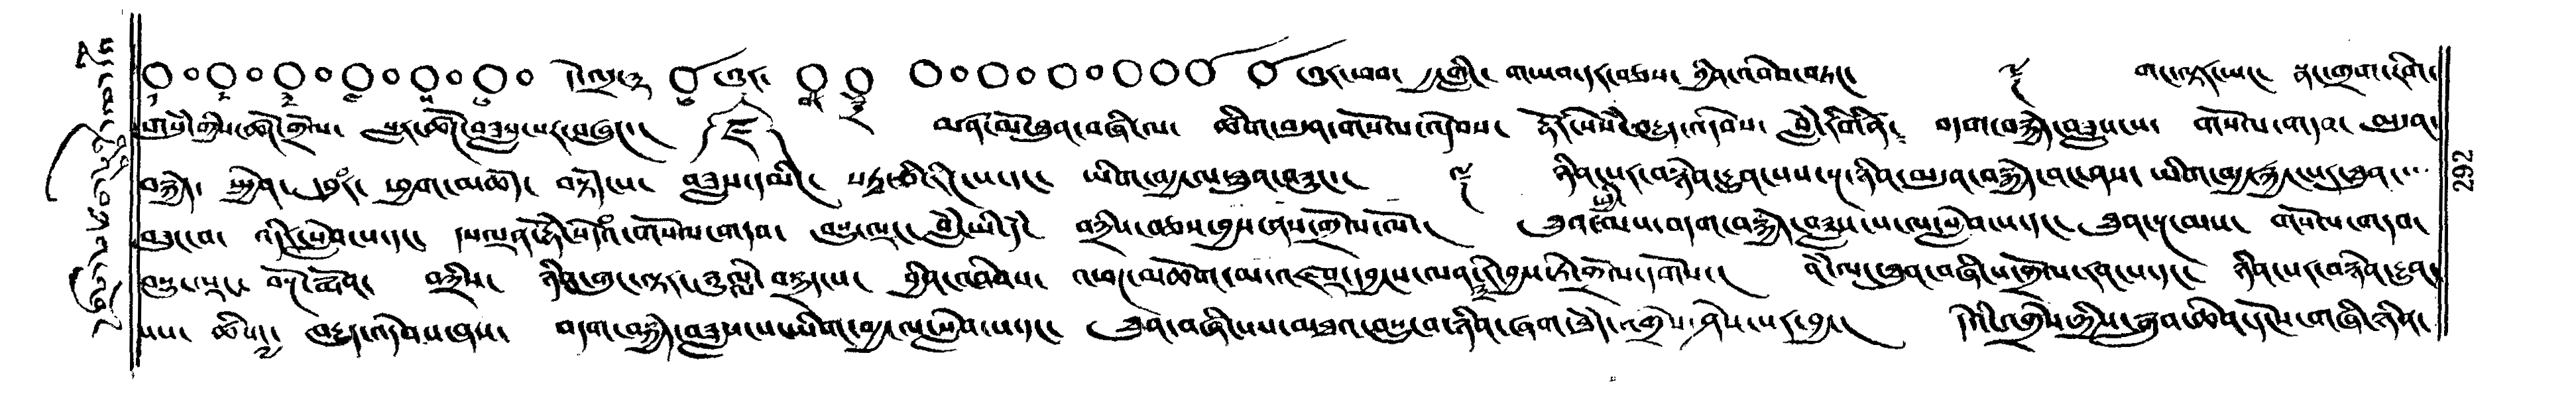དེ་འདྲ་གསུམ། འུར་བིར་སྦྲམ། འུར་ཕོབ། རྒྱ་གླིང་། གཡབ་དར་བཅས་བྱིན་འབེབས་གཏང་། སྣང་གྲགས་རིག་
གསུམ་གྱིས༴ ཚོགས་གྲོལ། སླར་ཚོགས་ནས་བཟླས་པར་བཞུགས། མཚན་མོ་ཐུན་བཞི་ལ་ཚིག་བདུན་གསོལ་འདེབས། རྡོར་སེམས་བརྒྱུད་འདེབས། བླ་མ་རིག་འཛིན༴ བདག་བསྐྱེད་བཟླས་པ། གསོལ་གདབ། མདུན་
བསྐྱེད། སྤྱན་འདྲེན། དབང་སྐུར། ཕྱག་མཆོད། བསྟོད་པ། བཟླས་དམིགས། སཏྭ་ཅི་རིགས་པ་དང་ཡིག་བརྒྱ་ལ་ཐུན་གཟུང་། ཉིན་པར་སྙེན་རྒྱུན་པས་སྔ་ཉིན་མདུན་བསྐྱེད་ནང་ནས་ཡིག་བརྒྱ་རྐྱང་པར་ཐུན་
གཟུང་། འདིར་སླེབ་པ་དང་། དཔལ་ལྡན་རྡོ་རྗེ་སེམས་དཔའ༴ གསོལ་གདབ། བསྡུ་ལྡང་། བླ་མ་ཡི་དམ༴ བཀྲ་ཤིས་བཅས་བྱས་ནས་གྲོལ་ལོ། །ཐུན་ཕྱི་མས་བདག་བསྐྱེད་བཟླས་པ་ལ་སླེབ་པ་དང་། ཐུན་སྔ་མས་གསོལ་གདབ། 
བསྡུ་ལྡང་། བསྔོ་སྨོན་བཀྲ་ཤིས། ཉིན་གུང་ལྟར་ཉུལླེ་བསྐྲད་པ། བྱིན་འབེབས། འཕགས་མཆོག་མ་འཛཔྲ་དབྱངས་ལན་གསུམ་རེ་བྱས་ཏེ་གྲོལ་དགོས། ནམ་ལངས་ཐུན་བཞི་པ་གྲོལ་རན་པ་དང་། ཉིན་པར་སྙེན་རྒྱུན་
པས་ ཚིག་ བདུན་བརྒྱུད་འདེབས་ནས་བདག་བསྐྱེད་བཟླས་པ་ཡིག་བརྒྱ་ལ་སླེབ་པ་དང་། ཐུན་བཞི་པས་མཐའ་བསྡུ་བ་ཉིན་ཞག་ཐམས་ཅད་ལ་འགྲེས་ཤེས་པར་བྱ། དེའི་འགྲེས་ཀྱིས་སྒྲུབ་ཆེན་དངོས་གཞི་ཉིན་